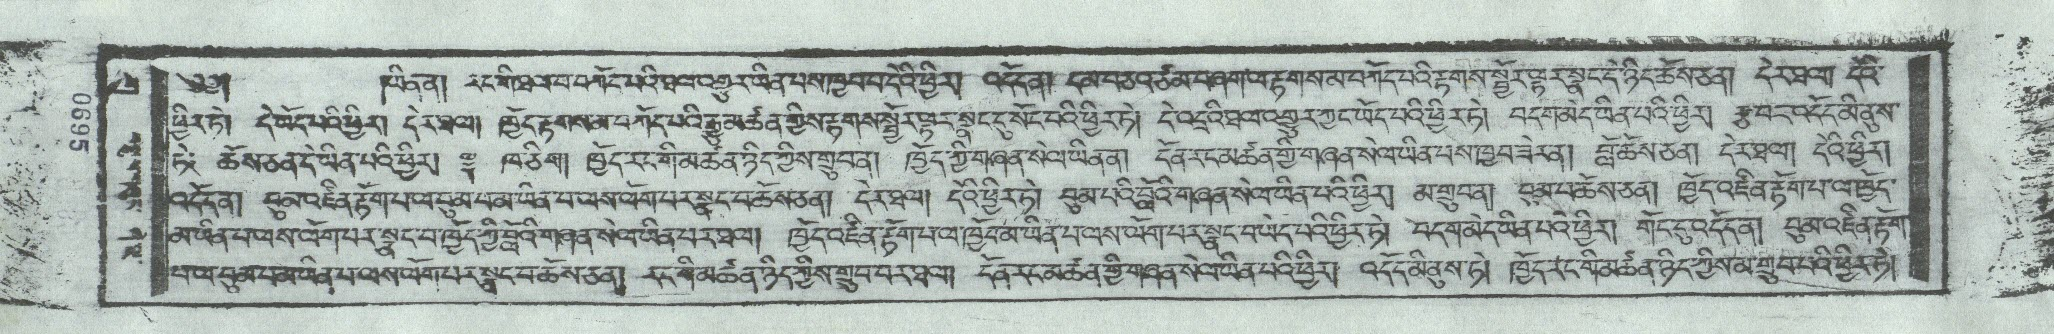༄༅། །ཡིན་ན། རང་གི་ཐལ་བ་བཀོད་པའི་ཐལ་འགྱུར་ཡིན་པས་ཁྱབ་པ་དེའི་ཕྱིར། འདོད་ན། དམ་བཅའ་ཙམ་བཞག་ལ་རྟགས་མ་བཀོད་པའི་རྟགས་སྦྱོར་ལྟར་སྣང་དེ་ཉིད་ཆོས་ཅན། དེར་ཐལ། དེའི་
ཕྱིར་ཏེ། དེ་ཡོད་པའི་ཕྱིར། དེར་ཐལ། ཁྱོད་རྟགས་མ་བཀོད་པའི་རྒྱུ་མཚན་གྱིས་རྟགས་སྦྱོར་ལྟར་སྣང་དུ་སོང་བའི་ཕྱིར་ཏེ། དེ་འདྲའི་ཐལ་འགྱུར་ཀྱང་ཡོད་པའི་ཕྱིར་ཏེ། བདག་མེད་ཡིན་པའི་ཕྱིར། རྩ་བར་འདོད་མི་ནུས་
ཏེ༑ ཆོས་ཅན་དེ་ཡིན་པའི་ཕྱིར། ༈ ཁ་ཅིག། ཁྱོད་རང་གི་མཚན་ཉིད་ཀྱིས་གྲུབ་ན། ཁྱོད་ཀྱི་གཞན་སེལ་ཡིན་ན། དོན་རང་མཚན་གྱི་གཞན་སེལ་ཡིན་པས་ཁྱབ་ཟེར་ན། བློ་ཆོས་ཅན། དེར་ཐལ། དེའི་ཕྱིར།
འདོད་ན། བུམ་འཛིན་རྟོག་པ་ལ་བུམ་པ་མ་ཡིན་པ་ལས་ལོག་པར་སྣང་བ་ཆོས་ཅན། དེར་ཐལ། དེའི་ཕྱིར་ཏེ། བུམ་པའི་བློའི་གཞན་སེལ་ཡིན་པའི་ཕྱིར། མ་གྲུབ་ན། བུམ་པ་ཆོས་ཅན། ཁྱོད་འཛིན་རྟོག་པ་ལ་ཁྱོད་
མ་ཡིན་པ་ལས་ལོག་པར་སྣང་བ་ཁྱོད་ཀྱི་བློའི་གཞན་སེལ་ཡིན་པར་ཐལ། ཁྱོད་འཛིན་རྟོག་པ་ལ་ཁྱོད་མ་ཡིན་པ་ལས་ལོག་པར་སྣང་བ་ཡོད་པའི་ཕྱིར་ཏེ། བདག་མེད་ཡིན་པའི་ཕྱིར། གོང་དུ་འདོད་ན། བུམ་འཛིན་རྟོག་
པ་ལ་བུམ་པ་མ་ཡིན་པ་ལས་ལོག་པར་སྣང་བ་ཆོས་ཅན། རང་གི་མཚན་ཉིད་ཀྱིས་གྲུབ་པར་ཐལ། དོན་རང་མཚན་གྱི་གཞན་སེལ་ཡིན་པའི་ཕྱིར། འདོད་མི་ནུས་ཏེ། ཁྱོད་རང་གི་མཚན་ཉིད་ཀྱིས་མ་གྲུབ་པའི་ཕྱིར་ཏེ།